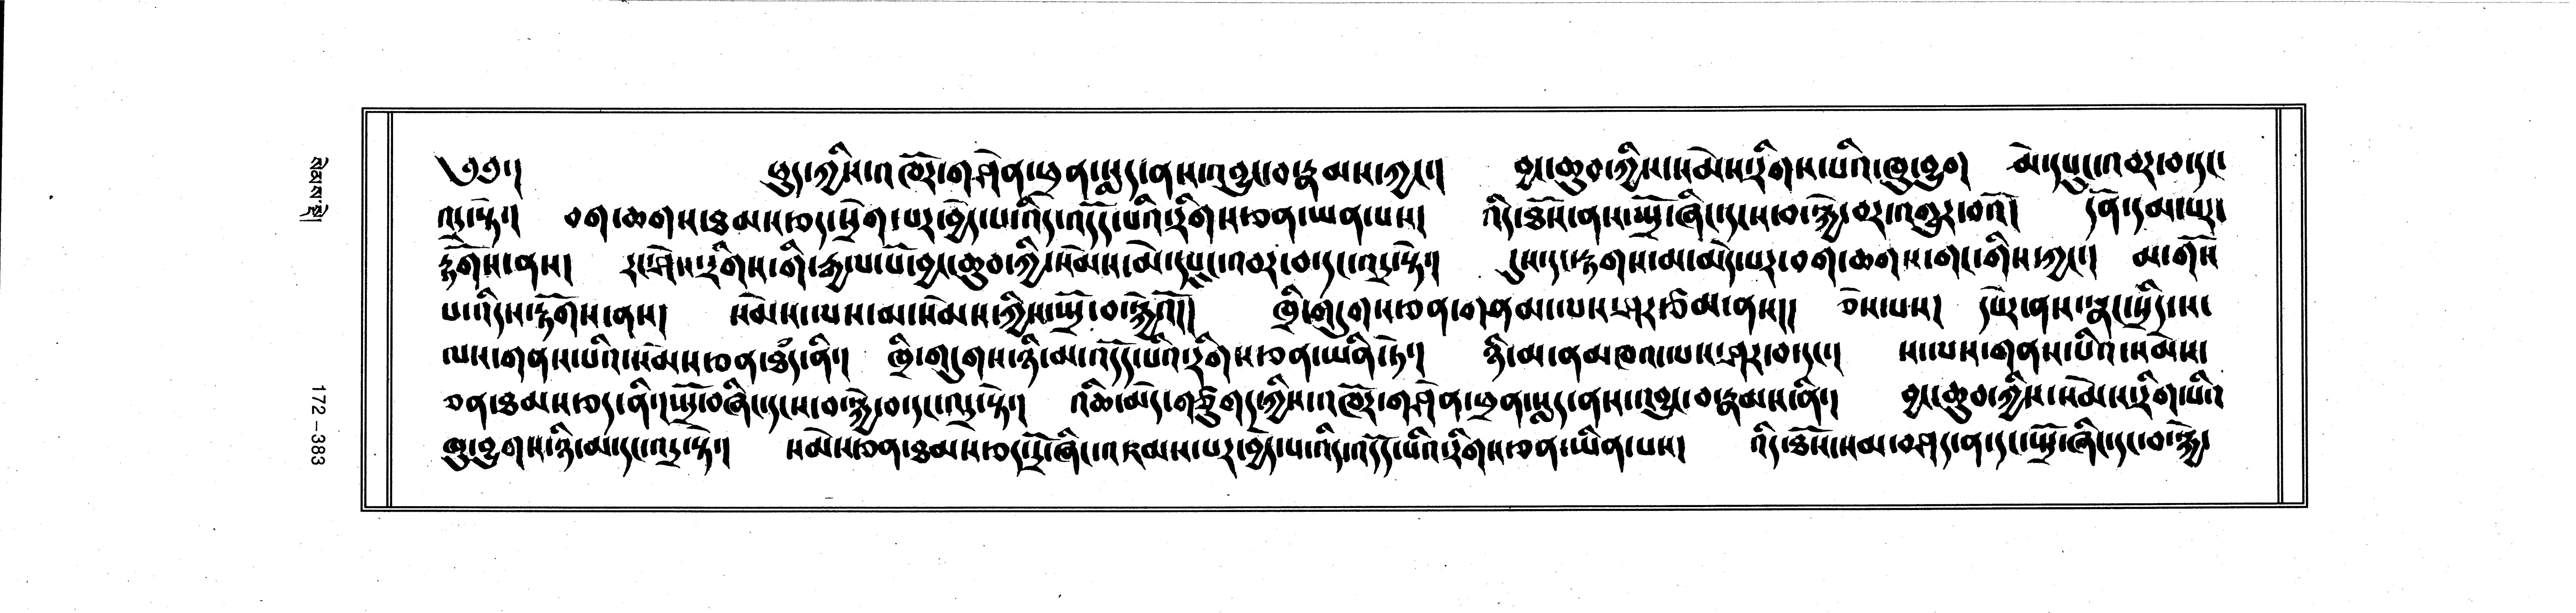ཕུད་ཀྱིས་འཁོར་གཤེན་ཕྲན་སླད་ནས་འབྱུང་བ་རྣམས་ཀྱང་། བྱང་ཆུབ་ཀྱིས་སེམས་རིག་པའི་ཁུ་བྱུག མེ་དཔུང་འབར་བ་དང་
འདྲ་སྟེ། བག་ཆགས་ཐམས་ཅད་བསྲེག་པར་བྱེད་པ་འདི་འདོད་པའི་རིགས་ཅན་ཡན་པས། འདི་ཐོས་ནས་སྤྲོ་ཞིང་དྭངས་བ་སྐྱེ་བར་འགྱུར་བའོ། དོན་དམ་པར་
རྟོགས་ནས། རང་ཤེས་རིག་གི་རྒྱལ་པོ་བྱང་ཆུབ་ཀྱི་སེམས་མེ་དཔུང་འབར་བ་དང་འདྲ་སྟེ། དུས་དང་རྟགས་མ་མེད་པར་བག་ཆགས་གང་གིས་ཀྱང་མ་གོས་
པ་འདིས་རྟོགས་ནས། སེམས་ལས་མ་སེམས་ཀྱིས་སྤྲོ་བ་སྐྱེའོ། ཁྲི་གདུགས་ཅན་གནམ་ལས་ཤར་ཙམ་ནས། ཅེས་པས། དཔེར་ནས་སྣང་སྲིད་ས་
ལས་གནས་པའི་སེམས་ཅན་ཐམས་ཅད་ནི། ཁྲི་གདུགས་ཉི་མ་འདོད་པའི་རིགས་ཅན་ཡིན་ཏེ། ཉི་མ་ནམ་མཁའ་ལས་ཤར་བ་དང་། ས་ལས་གནས་པའི་སེམས་
ཅན་ཐམས་ཅད་ནི་སྤྲོ་ཞིང་དྭངས་བ་སྐྱེ་བ་དང་འདྲ་སྟེ། འཆི་མེད་གཙུག་ཕུད་ཀྱིས་འཁོར་གཤེན་ཕྲན་སླད་ནས་འབྱུང་བ་རྣམས་ནི། བྱང་ཆུབ་ཀྱིས་སེམས་རིག་པའི་
ཁུ་བྱུག་ཉི་མ་དང་འདྲ་སྟེ། སེམས་ཅན་ཐམས་ཅད་དྲོ་ཞིང་འཇམས་པར་བྱེད་པ་འདི་འདོད་པའི་རིགས་ཅན་ཡིན་པས། འདི་ཐོས་སམ་བཤད་ན་དྭངས་སྤྲོ་ཞིང་དྭངས་བ་སྐྱེ་